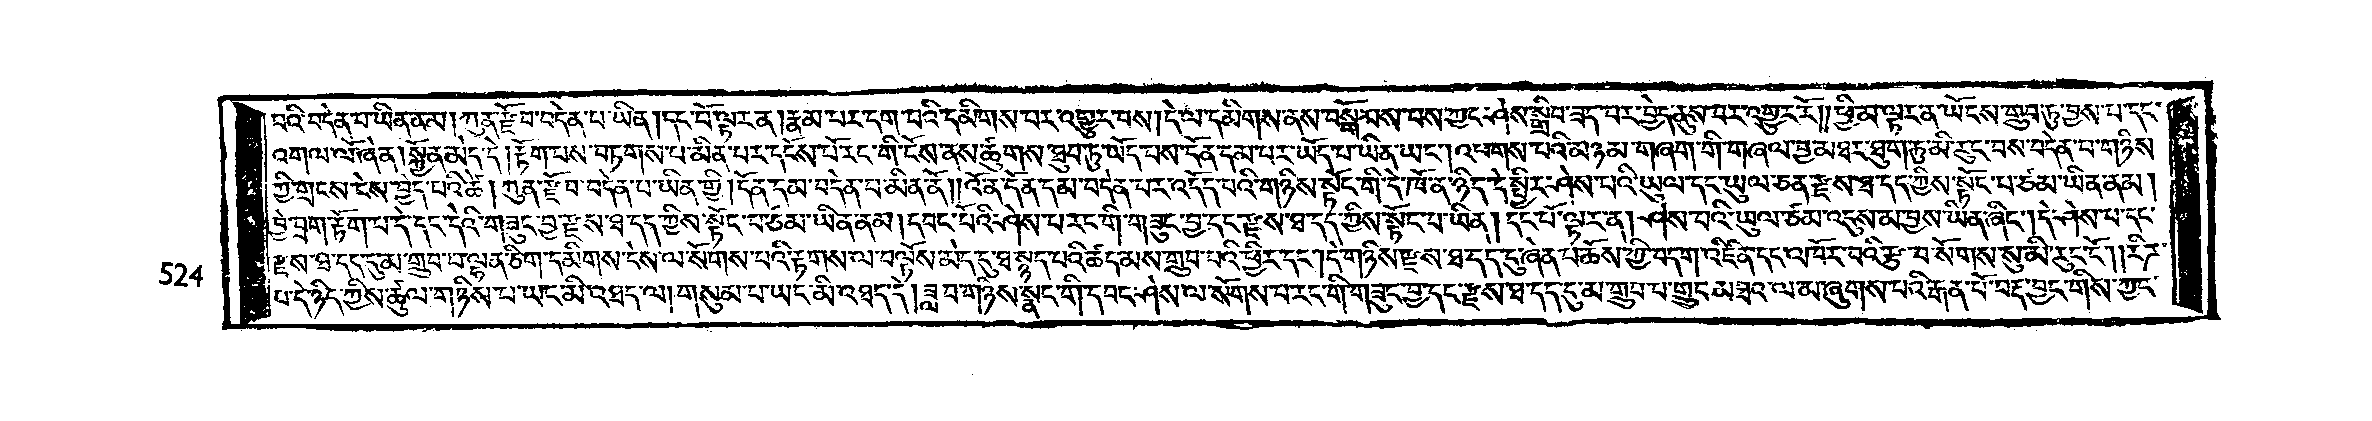པའི་བདེན་པ་ཡིན་ནམ། ཀུན་རྫོབ་བདོན་པ་ཡིན། དང་པོ་ལྟར་ན། རྣམ་པར་དག་པའི་དམིགས་པར་འགྱུར་བས། དེ་ལ་དམིགས་ནས་བསྒོམས་པས་ཀྱང་ཤེས་སྒྲིབ་ཟད་པར་བྱེད་ནུས་པར་འགྱུར་རོ། །ཕྱི་མ་ལྟར་ན་ཡོངས་གྲུབ་ཏུ་བྱས་པ་དང་
འགལ་ལོ་ཞེ་ན། སྐྱོན་མེད་དེ། རྟོག་པས་བཏགས་པ་མིན་པར་དངོས་པོ་རང་གི་ངོས་ནས་ཚུགས་ཐུབ་ཏུ་ཡོད་པས་དོན་དམ་པར་ཡོད་པ་ཡིན་ཡང་། འཕགས་པའི་མཉམ་གཞག་གི་གཞལ་བྱ་མཐར་ཐུག་ཏུ་མི་རུང་བས་བདེན་པ་གཉིས་
ཀྱི་གྲངས་ངེས་བྱེད་པའི་ཚེ། ཀུན་རྫོབ་བདེན་པ་ཡིན་གྱི། དོན་དམ་བདེན་པ་མིན་ནོ། །འོ་ན་དོན་དམ་བདེན་པར་འདོད་པའི་གཉིས་སྟོང་གི་དེ་ཁོ་ན་ཉིད་དེ་སྤྱིར་ཤེས་པའི་ཡུལ་དང་ཡུལ་ཅན་རྫས་ཐ་དད་ཀྱིས་སྟོང་པ་ཙམ་ཡིན་ནམ།
བྱེ་བྲག་རྟོག་པ་དེ་དང་དེའི་གཟུང་བྱ་རྫས་ཐ་དད་ཀྱིས་སྟོང་པ་ཙམ་ཡིན་ནམ། དབང་པོའི་ཤེས་པ་རང་གི་གཟུང་བྱ་དང་རྫས་ཐ་དད་ཀྱིས་སྟོང་པ་ཡིན། དང་པོ་ལྟར་ན། ཤེས་པའི་ཡུལ་ཙམ་འདུས་མ་བྱས་ཡིན་ཞིང་། དེ་ཤེས་པ་དང་
རྫས་ཐ་དད་དུ་མ་གྲུབ་པ་ལྷན་ཅིག་དམིགས་དེས་ལ་སོགས་པའི་རྟགས་ལ་བལྟོས་མེད་དུ་ཐ་སྙད་པའི་ཚད་མས་གྲུབ་པའི་ཕྱིར་དང་། དེ་གཉིས་རྫས་ཐ་དད་དུ་ཞེན་པ་ཆོས་ཀྱི་བདག་འཛིན་དང་འཁོར་བའི་རྩ་བ་སོགས་སུ་མི་རུང་ངོ། །རིཌ་
པ་དེ་ཉིད་ཀྱིས་ཚུལ་གཉིས་པ་ཡང་མི་འཐད་ལ། གསུམ་པ་ཡང་མི་འཐད་དེ། ཟླ་བ་གཉིས་སྣང་གི་དབང་ཤེས་ལ་སོགས་པ་རང་གི་གཟུང་བྱ་དང་རྫས་ཐ་དད་དུ་མ་གྲུབ་པ་གྲུབ་མཐའ་ལ་མ་ཞུགས་པའི་རྒན་པོ་བརྡ་བྱང་གིས་ཀྱང་